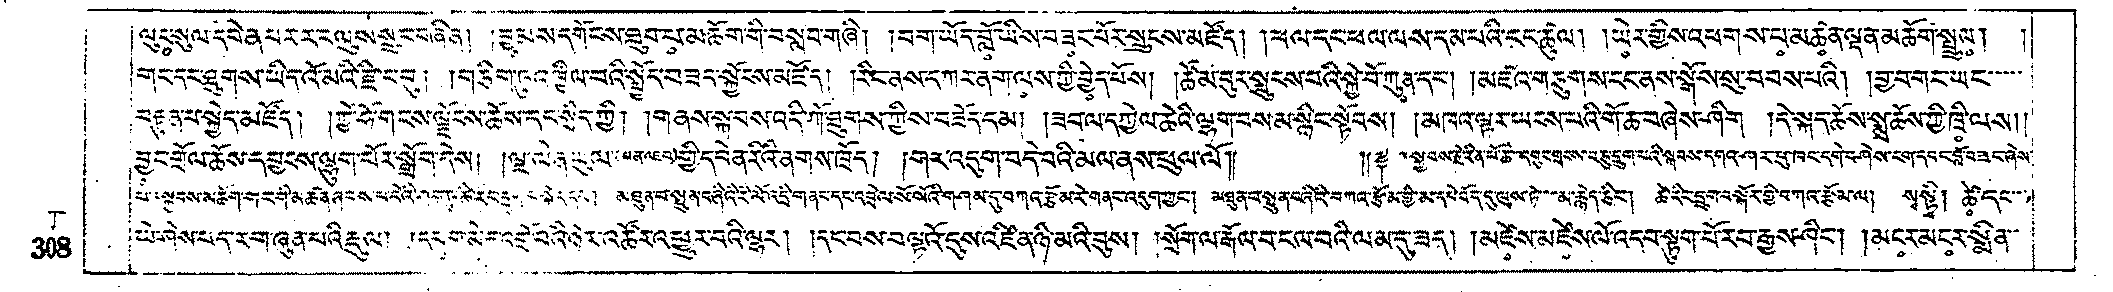ལུང྾་སུལ་དབེན་པར་རང་ལུས་སྲུང་བཞིན། །བྱམས྾་དགོངས་ཐུབ་པ྾་མཆོག་གི་བསླབ་གཞི། །བག་ཡོད་བློ྾་ཡིས་བཟང྾་པོར་སྲུངས་མཛོད། །ཕལ་དང་ཕལ་ལས་དམ་པའི་ངང་ཚུལ། །ཡེར྾་གྱིས་འཕགས་པ྾་མཚན་ལྡན་མཆོག་སྤྲུལ། །
གང་དང་ཐུགས་ཡིད་འོ་མའི་རྫིང་བུ། །གཅིག་ཏུ་འཁྱིལ་བའི་སྤྱོད་བཟད་སྐྱོངས་མཛོད། །རིང་ནས་དཀར་ནག་ལས྾་ཀྱི་བྱེད྾་པོས། །ཚོམ་བུར་སྤུངས་པའི་སྐྱེ་བོ་ཀུན྾་དང་། །མཛའ་གཅུགས་ངང་ནས་སྒོས་སུ་བབས་པའི། །བྱ་བ་གང་ཡང་་་
བརྟུན་པ་སྐྱེད་མཛོད། །ཀྱེ་ཧོ་གངས་ལྗོངས་ཆོས་དང་སྲིད་ཀྱི། །གནས་སྐབས་འདི་ཀོ་ཐུགས་ཀྱིས་བཟོད་དམ། །ཟབ་ལ་དཀྱེལ་ཆེའི་ལྷག་བསམ་སྙིང་སྟོབས། །མཁའ་ལྟར་ཡངས་པའི་གོ་ཆ་བཞེས་ཤིག །དེ་སྐད་ཆོས་སྨྲ་ཆོས་ཀྱི་ཁྲི྾་ལས། །
བྱང྾་གྲོལ་ཆོས་དབྱངས་ལྷུག་པོར་སྒྲོག་དེས། །ལྔ་ལེན་ཡུལ་པན་འཇབ་གྱི་དབེན་རིའི་ནགས་ཁྲོད། །གར་འདུག་བདེ་བའི་མལ་ནས་ཕུལ་ལོ།། །།འ ༧སྐྱབས་རྗེ་རིན་པོ་ཆེ་དགུང་གྲངས་བཅུ་དྲུག་པའི་སྐབས་དགའ་ཤར་ཕུ་ཁང་དགེ་བཤེས་ངག་དབང་བློ་བཟང་ཞེས་
པ ༧སྐྱབས་མཆོག་གང་གི་མཚན་ཞབས་པ་དེའི་ཤག་ཏུ་ཚེ་རིང་དྲུག་བསྐོར་དང་། མཐུན་པ་སྤུན་བཞིའི་རི་མོ་འདྲི་གནང་དང་འབྲེལ་སོ་སོའི་གཤམ་དུ་བཀའ་རྩོམ་རེ་གནང་འདུག་ཀྱང་། མཐུན་པ་སྤུན་བཞིའི་བཀའ་རྩོམ་གྱི་མ་དཔེ་བོད་དུ་ལུས་ཏེ་་་མ་རྙེད་ཅིང་། ཚེ་རིང་དྲུག་བསྐོར་གྱི་བཀའ་རྩོམ་ལ། སྭསྟི། ཚེ྾་དང་་་
ཡེ་ཤེས་པད་རག་ཞུན་པའི་རྡུལ། །དཔག྾་མེད་འགྲོ་བའི་ཉེར་འཚོར་འཕྱུར་བའི་ལྷར། །དང་བས་བལྟའོ་དུས་འཛིན་ཉི་མའི་བུས། །སྲོག་ལ་རྒོལ་བ་ངལ་བའི་ལམ་དུ་ཟད། །མཛེས྾་མཛེས྾་ལོ་འདབ་སྟུག་པོ་རབ་རྒྱས་ཤིང་། །མངར྾་མངར྾་སྨིན་་་